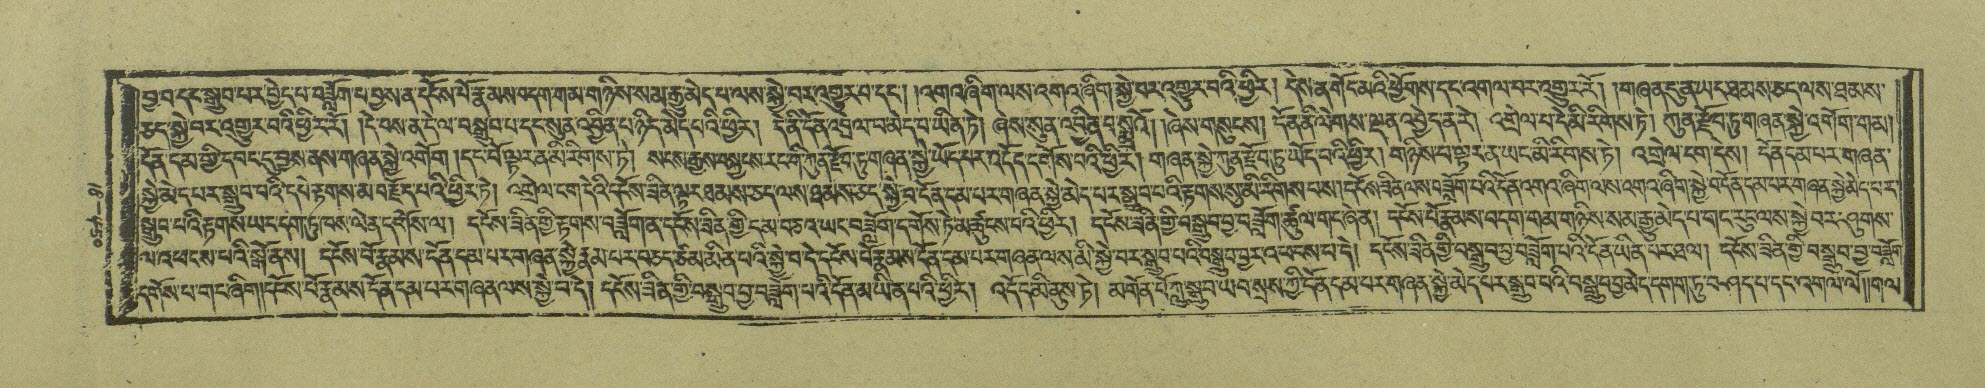ཕྱ་བ་དང་སྒྲུབ་པར་བྱེད་པ་བཟློག་པ་བྱས་ན་དངོས་པོ་རྣམས་པ་དག་གམ་གཉིས་སམ་རྒྱུ་མེད་པ་ལས་སྐྱེ་བར་འགྱུར་བ་དང་། །འགའ་ཞིག་ལས་འགའ་ཞིག་སྐྱེ་བར་འགྱུར་བའི་ཕྱིར། དེས་ན་གོང་མའི་ཕྱོགས་དང་འགལ་བར་འགྱུར་རོ། །གཞན་དུ་ན་ཡང་ཐམས་ཅད་ལས་ཐམས་
ཅད་སྐྱེ་བར་འགྱུར་པའི་ཕྱིར་རོ། །དེ་བས་ན་དེ་ལ་བསྒྲུབ་པ་དང་སུན་འབྱིན་པ་ཉིད་མེད་པའི་ཕྱིར། དེ་ནི་དོན་འབྲེལ་བ་མེད་པ་ཡིན་ཏེ། ཞེས་སུན་འབྱིན་པ་སྨྲའོ། །ཞེས་གསུངས། དོན་ནི་ལེགས་ལྡན་འབྱེད་ན་རེ། འགྲེལ་པ་དེ་མི་རིགས་ཏེ། ཀུན་རྫོབ་ཏུ་གཞན་སྐྱེ་འགོག་གམ།
དོན་དམ་གྱི་དབང་དུ་བྱས་ནས་གཞན་སྐྱེ་འགོག །དང་པོ་ལྟར་ན་མི་རིགས་ཏེ། སངས་རྒྱས་བསྐྱངས་རང་གི་ཀུན་རྫོབ་ཏུ་གཞན་སྐྱེ་ཡོད་པར་འདོད་དགོས་པའི་ཕྱིར། གཞན་སྐྱེ་ཀུན་རྫོབ་ཏུ་ཡོད་པའི་ཕྱིར། གཉིས་པ་ལྟར་ན་ཡང་མི་རིགས་ཏེ། འགྲེལ་ངག་དེས། དོན་དམ་པར་གཞན་
སྐྱེ་མེད་པར་སྒྲུབ་པའི་དཔེ་རྟགས་མ་བརྗོད་པའི་ཕྱིར་ཏེ། འགྲེལ་ངག་དེའི་དངོས་ཟིན་ལྟར་ཐམས་ཅད་ལས་ཐམས་ཅད་སྐྱེ་བ་དོན་དམ་པར་གཞན་སྐྱེ་མེད་པར་སྒྲུབ་པའི་རྟགས་སུ་མི་རིགས་པས། དངོས་ཟིན་ལས་བཟློག་པའི་དོན་འགའ་ཞིག་ལས་འགའ་ཞིག་སྐྱེ་བ་དོན་དམ་པར་གཞན་སྐྱེ་མེད་པར་
སྒྲུབ་པའི་རྟགས་ཡང་དག་ཏུ་ཁས་ལེན་དགོས་ལ། དངོས་ཟིན་གྱི་རྟགས་བཟློག་ན་དངོས་ཟིན་གྱི་དམ་བཅའ་ཡང་བཟློག་དགོས་ཏེ་མཚུངས་པའི་ཕྱིར། དངོས་ཟིན་གྱི་བསྒྲུབ་བྱ་བཟློག་ཚུལ་གང་ཞེ་ན། དངོས་པོ་རྣམས་བདག་གམ་གཉིས་སམ་རྒྱུ་མེད་པ་གང་རུང་ལས་སྐྱེ་བར་ཤུགས་
ལ་འཕགས་པའི་སྒོ་ནས། དངོས་པོ་རྣམས་དོན་དམ་པར་གཞན་སྐྱེ་རྣམ་པར་བཅད་ཙམ་མིན་པའི་སྐྱེ་བ་དེ་དངོས་པོ་རྣམས་དོན་དམ་པར་གཞན་ལས་མི་སྐྱེ་བར་སྒྲུབ་པའི་བསྒྲུབ་བྱར་འཕགས་པ་དེ། དངོས་ཟིན་གྱི་བསྒྲུབ་བྱ་བཟློག་པའི་དོན་ཡིན་པར་ཐལ། དངོས་ཟིན་གྱི་བསྒྲུབ་བྱ་བཟློག་
དགོས་པ་གང་ཞིག །དངོས་པོ་རྣམས་དོན་དམ་པར་གཞན་ལས་སྐྱེ་བ་དེ། དངོས་ཟིན་གྱི་བསྒྲུབ་བྱ་བཟློག་པའི་དོན་མ་ཡིན་པའི་ཕྱིར། འདོད་མི་ནུས་ཏེ། མགོན་པོ་ཀླུ་སྒྲུབ་ཡབ་སྲས་ཀྱི་དོན་དམ་པར་གཞན་སྐྱེ་མེད་པར་སྒྲུབ་པའི་བསྒྲུབ་བྱ་མེད་དགག་ཏུ་བཤད་པ་དང་འགལ་ལོ། །གལ་